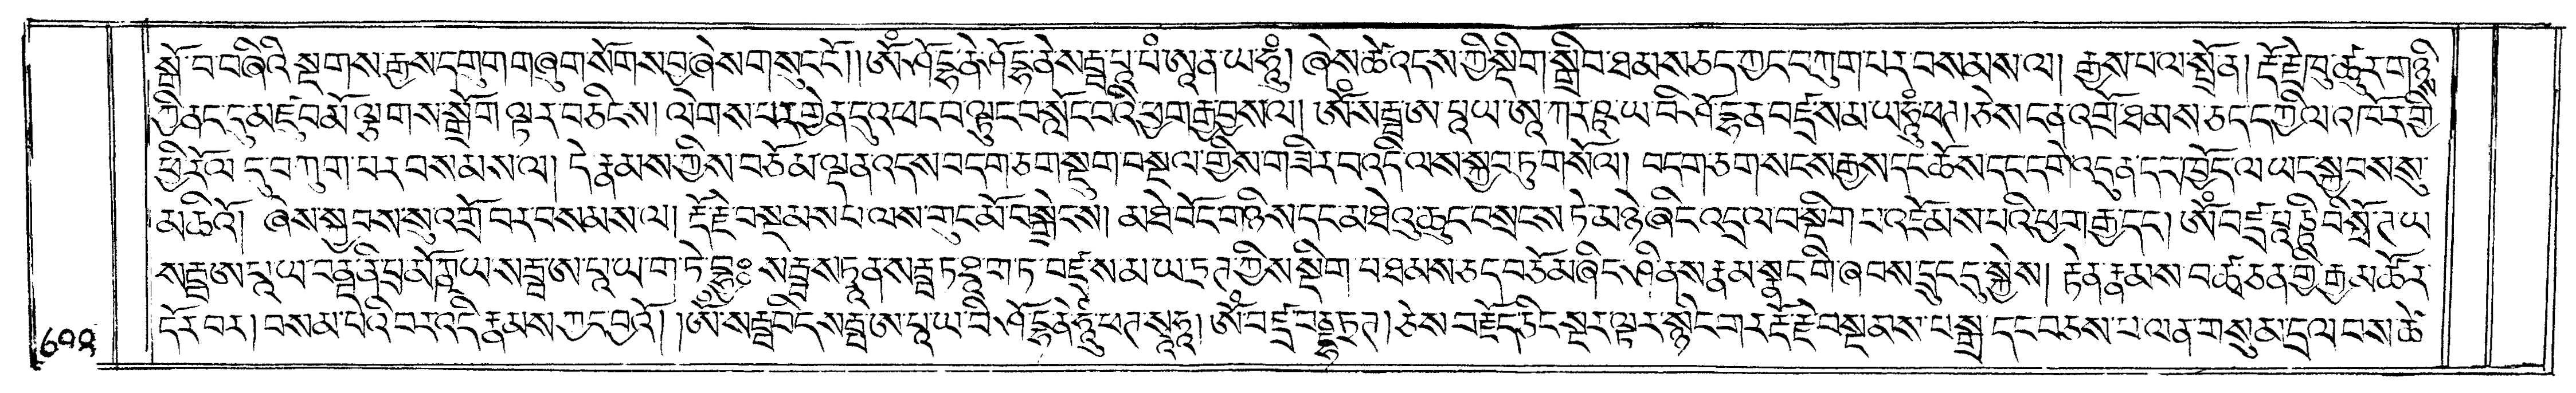སྒོ་བ་བཞིའི་སྔགས་རྒྱས་དགུག་གཞུག་སོགས་བྱ་ཞེས་གསུང་ངོ། །ཨོཾ་ཤོ་དྷ་ནེ་ཤོ་དྷ་ནེ་སརྦྦ་པཱ་པཾ་ཨཱ་ན་ཡ་ཧཱུཾ། ཞེས་ཚེ་འདས་ཀྱི་སྡིག་སྒྲིབ་ཐམས་ཅད་ཀྱང་བཀུག་པར་བསམས་ལ། རྒྱས་པ་ལ་སྤྲོ་ན། རྡོ་རྗེ་ཁུ་ཚུར་གཉིས་
ཀྱི་ནང་དུ་མཛུབ་མོ་ལྕགས་སྒྲོག་ལྟར་བཅིངས། ལེགས་པར་གྱེན་དུ་འཕང་བ་ལྟུང་བ་སློང་བའི་ཕྱག་རྒྱ་བྱས་ལ། ཨོཾ་སརྦྦ་ཨ་པཱ་ཡ་ཨཱ་ཀ་ར་ཥཱ་ཡ་བི་ཤོ་དྷ་ན་བཛྲ་ས་མ་ཡ་ཧཱུཾ་ཕཊ། ཅེས་ངན་འགྲོ་ཐམས་ཅད་དཀྱིལ་འཁོར་གྱི་
ཕྱི་རོལ་དུ་བཀུག་པར་བསམས་ལ། དེ་རྣམས་ཀྱིས་བཅོམ་ལྡན་འདས་བདག་ཅག་སྡུག་བསྔལ་གྱིས་གཟིར་བ་འདི་ལས་སྐྱབ་ཏུ་གསོལ། བདག་ཅག་སངས་རྒྱས་དང་ཆོས་དང་དགེ་འདུན་དང་ཁྱོད་ལ་ཡང་སྐྱབས་སུ་
མཆིའོ། ཞེས་སྐྱབས་སུ་འགྲོ་བར་བསམས་ལ། རྡོ་རྗེ་བསྡམས་པ་ལས་གུང་མོ་བསྒྲེངས། མཐེ་བོང་གཉིས་དང་མཐེའུ་ཆུང་བསྲངས་ཏེ་མཉེ་ཞིང་འདྲ་ལ་བ་སྡིག་པ་འཇོམས་པའི་ཕྱག་རྒྱ་དང་། ཨོཾ་བཛྲ་པཱ་ཎཱི་བི་སྥོ་ཊ་ཡ་
སརྦྦ་ཨ་པཱ་ཡ་བནྡ་ནི་པྲ་མོཀྵ་ཡ་སརྦྦ་ཨ་པཱ་ཡ་ག་ཏེ་བྷྱཿ སརྦྦ་སཏྭཱན་སརྦྦ་ཏ་ཐཱ་ག་ཏ་བཛྲ་ས་མ་ཡ་ཏྲཊ་ཀྱིས་སྡིག་པ་ཐམས་ཅད་བཅོམ་ཞིང་ཤི་ནས་རྣམ་སྣང་གི་ཞབས་དྲུང་དུ་སྐྱེས། རྟེན་རྣམས་བ་ཚྭ་ཅན་གྱི་རྒྱ་མཚོར་
དོར་བར། བསམ་པའི་བར་འདི་རྣམས་ཀྱང་བྱའོ། །ཨོཾ་སརྦྦ་བིད་སརྦྦ་ཨ་པཱ་ཡ་བི་ཤོ་དྷ་ནེ་ཧཱུཾ་ཕཊ་སྭཱཧཱ། ཨོཾ་བཛྲ་བནྡྷ་ཏྲཊ། ཅེས་བརྗོད་ཅིང་སྔར་ལྟར་སྙིང་གར་རྡོ་རྗེ་བསྡམས་པ་སྒྲ་དང་བཅས་པ་ལན་གསུམ་དྲལ་བས་ཚེ་